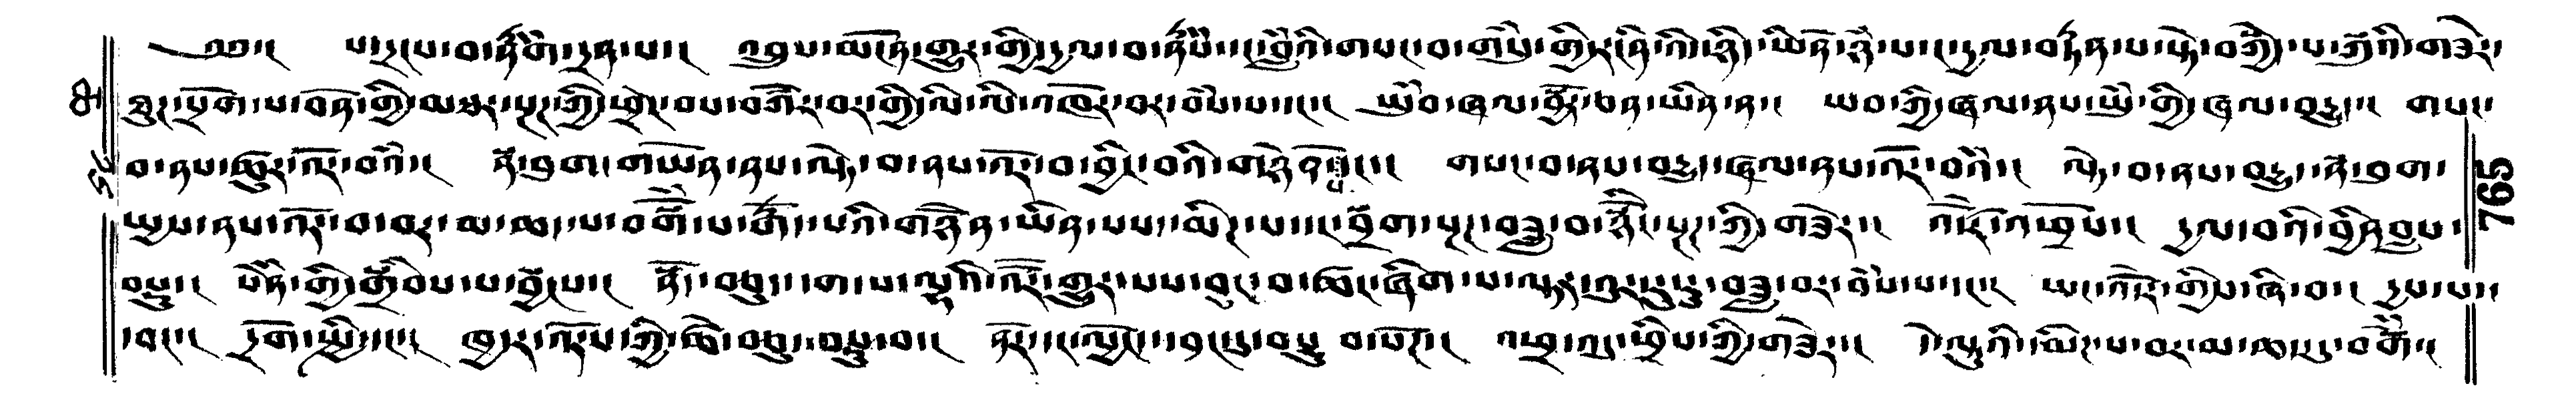པ་དྲངས་བ་རྣམ་དག་དྲན་པ། འབྲས་བུ་མངོན་གྱུར་གྱི་རྒྱལ་བ་རྣམས་དང་བླ་མའི་གསང་བ་གསུམ་གྱི་རང་བཞིན་འདི་ཉིད་ཡིན་ནོ་སྙམ་པ་ང་རྒྱལ་བརྟན་པ་སྟེ་བསྐྱེད་པ་སྐུའི་གཟེར་
ཐུགས་སྲོག་ས་བོན་གྱི་མཐར་སྔགས་ཀྱི་ཕྲེང་བས་བསྐོར་བ་ཀྱི་ལི་ལི་འཁོར་བར་བསམ་པ་དང་། ཡབ་ཡུམ་ཞལ་སྦྱོར་ཅན་ཡིན་ན། ཡབ་ཀྱི་ཞལ་ནས་ཡུམ་གྱི་ཞལ་བརྒྱུད། གསང་
བ་ནས་ཚུར་འོར་བའམ། སྣ་བུག་གཡོན་ནས་བརྒྱུད་ལྟེ་བ་ནས་འོར་བ་བྱིང་བའི་གཉེན་པོ་དང་། གསང་བ་ནས་བརྒྱུད་ཞལ་ནས་འོར་བའམ། ལྟེ་བ་ནས་བརྒྱུད་སྣ་བུག་
གཡས་ནས་འོར་བ་བར་མ་ཆད་པ་བསྒོམ་པ་རྒོད་པའི་གཉེན་པོ་ཡིན་པས་དམིགས་པ་དང་སྦྲགས་སྔགས་བཟླ་བ་སྙིང་པོ་སྔགས་ཀྱི་གཟེར། འོད་ཟེར་འཕྲོས། རྒྱལ་བའི་བྱིན་རླབས་
བསྡུ། སེམས་ཅན་གྱི་སྒྲིབ་པ་སྦྱངས། སྣོད་བཅུད་དག་པ་ལྷའི་གྱུར་པས་བུང་བ་ཚང་ཞིག་པ་ལྟར་འུར་རུ་རུ་བཟླ་བར་བསམ་པ་དང་། ཡང་འོད་ཟེར་གྱིས་ཞི་བ། རྒྱས་པ། 
དབང་། དྲག་པོ་སྤྱི་དང་། ཁྱད་པར་འཁོར་འདས་ཀྱི་ཚེ་བཅུད་བསྡུ་བ། ནོར་དང་ལོངས་སྤྱོད་དབང་དུ་བསྡུ་བ་སོགས། འཕྲོ་འདུ་ཕྲིན་ལས་ཀྱི་གཟེར། དེ་ལྟ་བུའི་དམིགས་པ་བར་མ་ཆད་དུ་བསྒོམ།